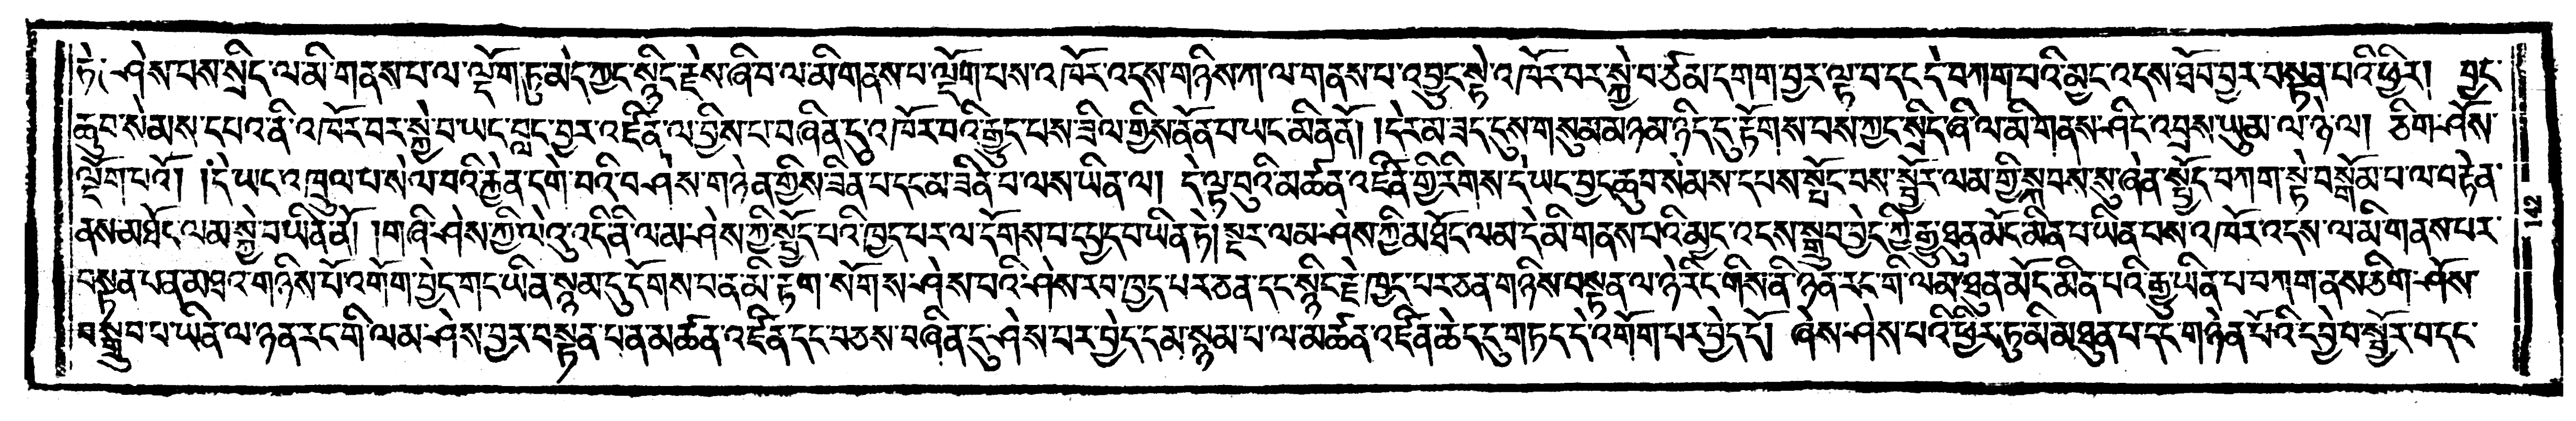ཏེ། ཤེས་པས་སྲིད་ལ་མི་གནས་པ་ལ་ལྡོག་ཏུ་མེད་ཀྱང་སྙིང་རྗེས་ཞི་བ་ལ་མི་གནས་པ་ལྡོག་པས་འཁོར་འདས་གཉིས་ཀ་ལ་གནས་པ་འབྱུང་སྟེ་འཁོར་བར་སྐྱེ་བ་ཙམ་དགག་བྱར་ལྟ་བ་དང་དེ་བཀག་པའི་མྱང་འདས་ཐོབ་བྱར་བསྟན་པའི་ཕྱིར། བྱང་
ཆུབ་སེམས་དཔའ་ནི་འཁོར་བར་སྐྱེ་བ་ཡང་བླང་བྱར་འཛིན་ལ་བྱིས་པ་བཞིན་དུ་འཁོར་བའི་རྒྱུད་པས་ཟིལ་གྱིས་ནོན་པ་ཡང་མིན་ནོ། །དེར་མ་ཟད་དུས་གསུམ་མཉམ་ཉིད་དུ་རྟོགས་པས་ཀྱང་སྲིད་ཞི་ལ་མི་གནས་ཤིང་འབྲས་ཡུམ་ལ་ཉེ་ལ། ཅིག་ཤོས་
ལྡོག་པའོ། །དེ་ཡང་འཁྲུལ་པ་སེལ་བའི་རྐྱེན་དགེ་བའི་བཤེས་གཉེན་གྱིས་ཟིན་པ་དང་མ་ཟིན་པ་ལས་ཡིན་ལ། དེ་ལྟ་བུའི་མཚན་འཛིན་གྱི་རིགས་དེ་ཡང་བྱང་ཆུབ་སེམས་དཔས་སྤོང་བས་སྦྱོར་ལམ་གྱི་སྐབས་སུ་ཞེན་སྤྱོད་བཀག་སྟེ་བསྒོམ་པ་ལ་བརྟེན་
ནས་མཐོང་ལམ་སྐྱེ་བ་ཡིན་ནོ། །གཞི་ཤེས་ཀྱི་ལེའུ་འདི་ནི་ལམ་ཤེས་ཀྱི་སྤྱོད་པའི་ཁྱད་པར་ལ་དོགས་པ་དཔྱད་པ་ཡིན་ཏེ། སྔར་ལམ་ཤེས་ཀྱི་མཐོང་ལམ་དེ་མི་གནས་པའི་མྱང་འདས་སྒྲུབ་བྱེད་ཀྱི་རྒྱུ་ཐུན་མོང་མིན་པ་ཡིན་པས་འཁོར་འདས་ལ་མི་གནས་པར་
བསྟན་པ་ན་མཐའ་གཉིས་པོ་འགོག་བྱེད་གང་ཡིན་སྙམ་དུ་དོགས་པ་ན་མི་རྟག་སོགས་ཤེས་པའི་ཤེས་རབ་ཁྱད་པར་ཅན་དང་སྙིང་རྗེ་ཁྱད་པར་ཅན་གཉིས་བསྟན་ལ་ཉེ་རིང་གིས་ནི་ཉན་རང་གི་ལམ་ཐུན་མོང་མིན་པའི་རྒྱུ་ཡིན་པ་བཀག་ནས་ཅིག་ཤོས་
བསྒྲུབ་པ་ཡིན་ལ་ཉན་རང་གི་ལམ་ཤེས་བྱར་བསྟན་པ་ན་མཚན་འཛིན་དང་བཅས་བཞིན་དུ་ཤེས་པར་བྱེད་དམ་སྙམ་པ་ལ་མཚན་འཛིན་ཆེད་དུ་གཏད་དེ་འགོག་པར་བྱེད་དོ། ཞེས་ཤེས་པའི་ཕྱིར་ཏུ་མི་མཐུན་པ་དང་གཉེན་པོའི་དབྱེ་བ་སྦྱོར་བ་དང་